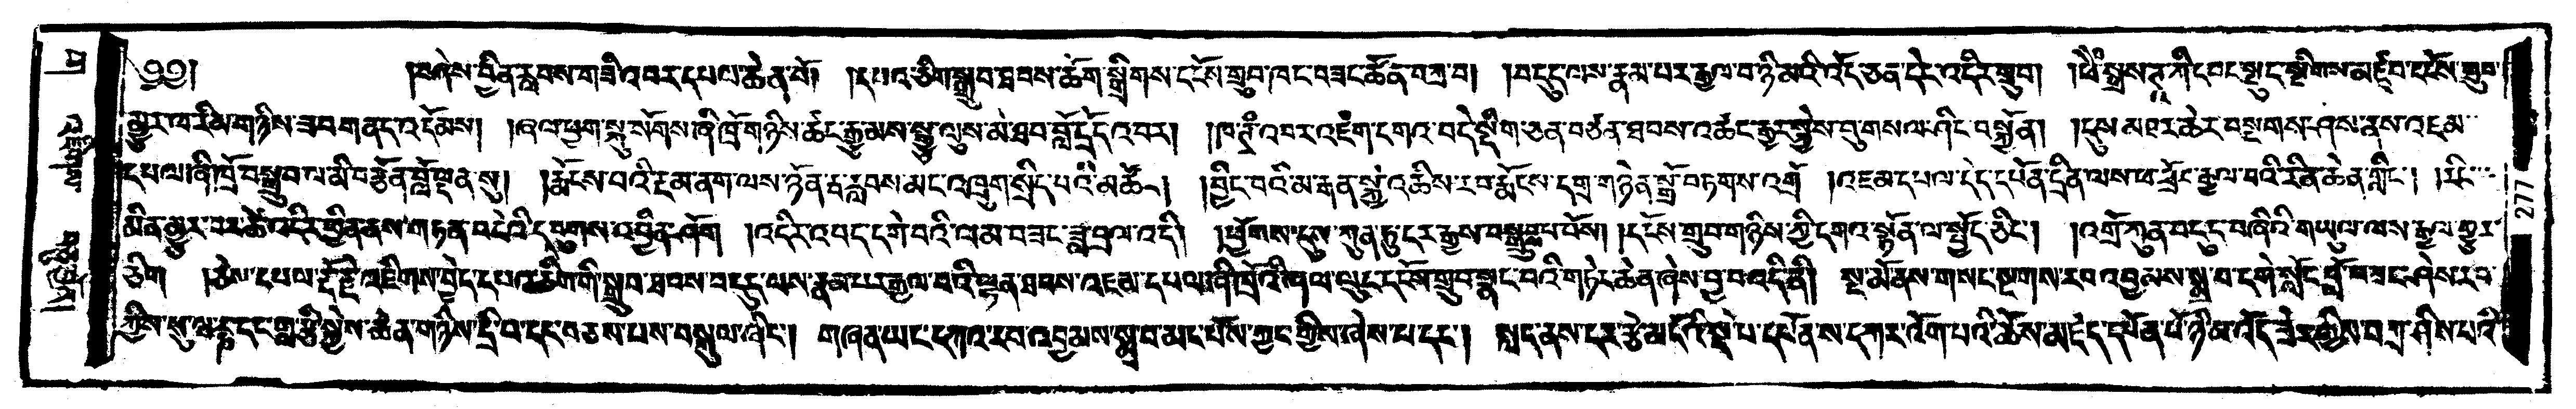༄༅། །བཞེས་བྱིན་རླབས་གཟི་འབར་དཔལ་ཆེན་པོ། །དཔའ་ཅིག་སྒྲུབ་ཐབས་ཆོག་སྒྲིགས་དངོས་གྲུབ་ཁང་བཟང་ཚོན་བཀྲ་བ། །བདུད་ལས་རྣམ་པར་རྒྱལ་བ་ཉི་མའི་འོད་ཅན་དེང་འདིར་གྲུབ། །ཕཻཾ་སྒྲས་ཊཱ་ཀི་དབང་སྡུད་སྡིགས་མཛུབ་དངོས་གྲུབ་
མྱུར་ལ་རིམ་གཉིས་ཟབ་གནད་འདོམས། །ཞལ་ཕྱག་སྐུ་སོགས་ཞི་ཁྲོ་གཉིས་ཚང་རྒྱུ་མས་སྒྱུ་ལུས་མེ་ཐབ་བློ་དྲོད་འབར། །ཁ་ཊྭཾ་འབར་འཇིག་དགའ་བདེ་སྡིག་ཅན་བཙན་ཐབས་འཚང་རྒྱར་སྐྱེས་བུ་གསལ་ཤིང་བསྐྱོན། །དུས་མཐར་ཆེར་བསྔགས་ཤེས་ནས་འཇམ་
དཔལ་ཞི་ཁྲོ་བསྒྲུབ་ལ་མི་བརྩོན་བློ་ལྡན་སུ། །རྨོངས་པའི་རྔམ་ནག་ལས་ཉོན་རྦ་རླབས་མང་འཁྲུག་སྲིད་པའི་མཚོར། །བྱིང་བའི་མ་རྒན་སྐྱེ་འཆིས་རབ་རྨོངས་དགྲ་གཉེན་སྒྲོ་བཏགས་འགྲོ་།འཇམ་དཔལ་དེད་དཔོན་དྲིན་ལས་ཕ་བྲོང་རྒྱལ་བའི་རིན་ཆེན་གླིང་། །རིང་
མིན་མྱུར་བར་ཚེ་འདིར་ཕྱིན་ནས་གཏན་བདེའི་དབུགས་འབྱིན་ཤོག །འདིར་འབད་དགེ་བའི་ལམ་བཟང་ཟླ་བྲལ་འདི། །ཕྱོགས་དུས་ཀུན་ཏུ་དར་རྒྱས་བསྒྲུབས་པ་པོས། །དངོས་གྲུབ་གཉིས་ཀྱི་དགའ་སྟོན་ལ་སྤྱོད་ཅིང་། །འགྲོ་ཀུན་བདུད་བཞིའི་གཡུལ་ལས་རྒྱལ་གྱུར་
ཅིག །ཅེས་དཔལ་རྡོ་རྗེ་འཇིགས་བྱེད་དཔའ་ཅིག་གི་སྒྲུབ་ཐབས་བདུད་ལས་རྣམ་པར་རྒྱལ་བའི་ལྷན་ཐབས་འཇམ་དཔལ་ཞི་ཁྲོའི་ཞལ་ལུང་དངོས་གྲུབ་སྣང་བའི་གཏེར་ཆེན་ཞེས་བྱ་བ་འདི་ནི། སྔ་མོ་ནས་གསང་སྔགས་རབ་འབྱམས་སྨྲ་བ་དགེ་སློང་བློ་བཟང་ཤེས་རབ་
ཀྱིས་སུ་ཝ་རྞ་དང་གླ་རྩི་སྐྱེས་ཆེན་གཉིས་དྲི་བ་དང་བཅས་པས་བསྐུལ་ཞིང་། གཞན་ཡང་དཀའ་རབ་འབྱམས་སྨྲ་བ་མང་པོས་ཀྱང་གྱིས་ཞེས་པ་དང་། སླད་ནས་དར་རྩེ་མདོའི་སྡེ་པ་དཔོན་ས་དཀར་འོག་པའི་ཆོས་མཛད་དཔོན་པོ་ཉི་མ་འོད་ཟེར་གྱིས་བཀྲ་ཤིས་པའི་